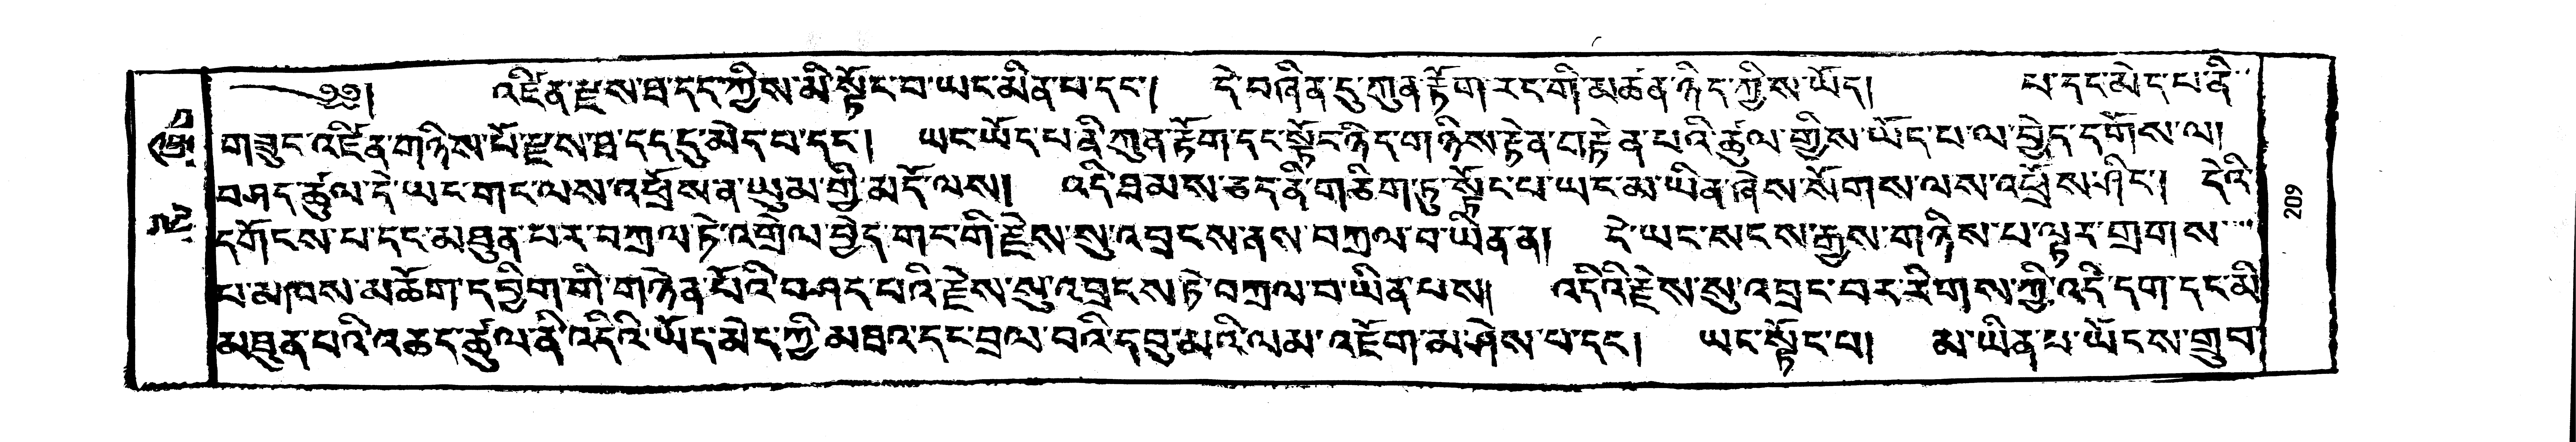༄༅། །འཛིན་རྫས་ཐ་དད་ཀྱིས་མི་སྟོང་བ་ཡང་མིན་པ་དང་། དེ་བཞིན་དུ་ཀུན་རྟོག་རང་གི་མཚན་ཉིད་ཀྱིས་ཡོད། པ་དང་མེད་པ་ནི་
གཟུང་འཛིན་གཉིས་པོ་རྫས་ཐ་དད་དུ་མེད་པ་དང་། ཡང་ཡོད་པ་ནི་ཀུན་རྟོག་དང་སྟོང་ཉིད་གཉིས་རྟེན་བརྟེན་པའི་ཚུལ་གྱིས་ཡོད་པ་ལ་བྱེད་དགོས་ལ།
བཤད་ཚུལ་དེ་ཡང་གང་ལས་འཕྲོས་ན་ཡུམ་གྱི་མདོ་ལས། འདི་ཐམས་ཅད་ནི་གཅིག་ཏུ་སྟོང་པ་ཡང་མ་ཡིན་ཞེས་སོགས་ལས་འཕྲོས་ཤིང་། དེའི་
དགོངས་པ་དང་མཐུན་པར་བཀྲལ་ཏེ་འགྲེལ་བྱེད་གང་གི་རྗེས་སུ་འབྲངས་ནས་བཀྲལ་བ་ཡིན་ན། དེ་ཡང་སངས་རྒྱས་གཉིས་པ་ལྟར་གྲགས་
པ་མཁས་མཆོག་དབྱིག་གི་གཉེན་པོའི་བཤད་པའི་རྗེས་སུ་འབྲངས་ཏེ་བཀྲལ་བ་ཡིན་པས། འདིའི་རྗེས་སུ་འབྲང་བར་རིགས་ཀྱི་འདི་དག་དང་མི་
མཐུན་པའི་འཆད་ཚུལ་ནི་འདིའི་ཡོད་མེད་ཀྱི་མཐའ་དང་བྲལ་བའི་དབུ་མའི་ལམ་འཇོག་མ་ཤེས་པ་དང་། ཡང་སྟོང་པ། མ་ཡིན་པ་ཡོངས་གྲུབ་